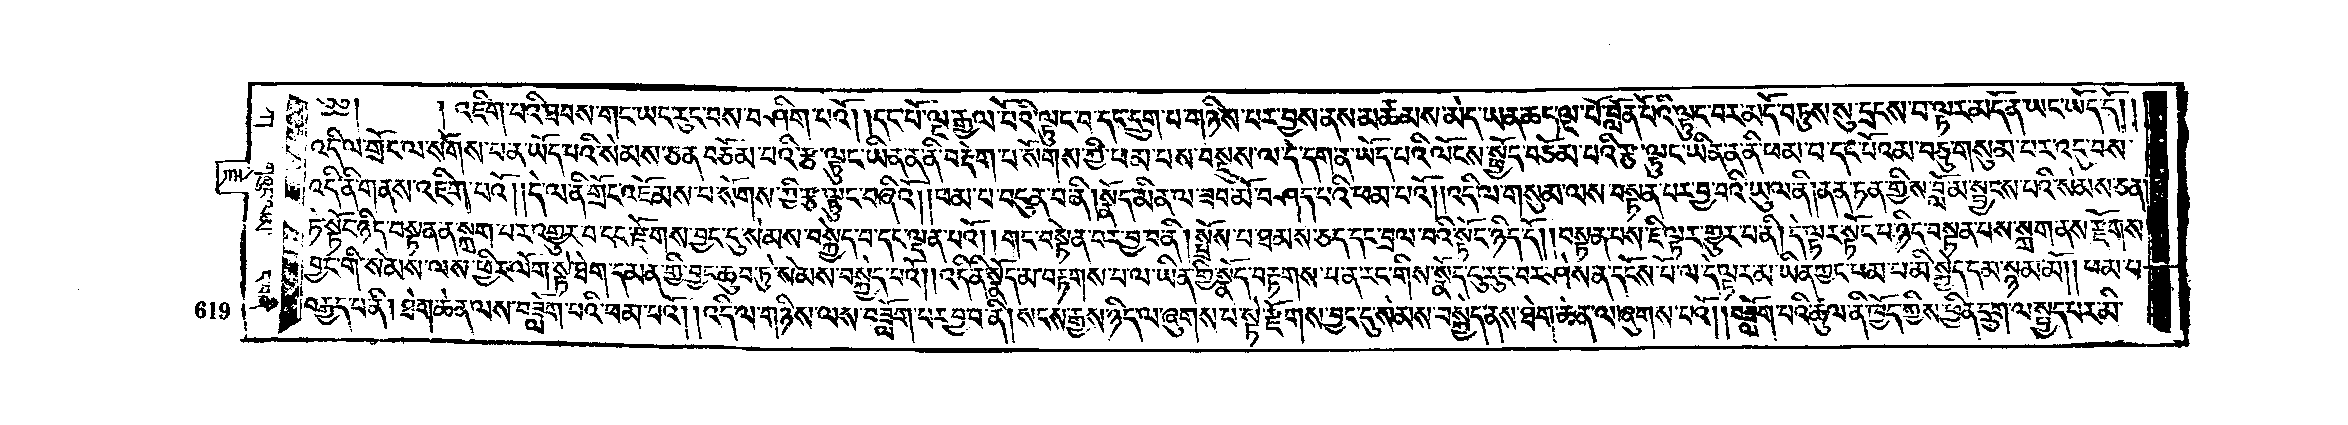༄༅། །འཇིག་པའི་ཐབས་གང་ཡང་རུང་བས་བཤིག་པའོ། །དང་པོ་ལྔ་རྒྱལ་པོའི་ལྟུང་བ་དང་དྲུག་པ་གཉིས་པར་བྱས་ནས་མཚམས་མེད་ཡན་ཆད་ལྔ་པོ་བློན་པོའི་ལྟུང་བར་མདོ་བཏུས་སུ་དྲངས་པ་ལྟར་མདོ་ན་ཡང་ཡོད་དོ། །
འདི་ལ་གྲོང་ལ་སོགས་པ་ན་ཡོད་པའི་སེམས་ཅན་བཅོམ་པའི་རྩ་ལྟུང་ཡིན་ན་ནི་བརྡེག་པ་སོགས་ཀྱི་ཕམ་པས་བསྡུས་ལ་དེ་དག་ན་ཡོད་པའི་ལོངས་སྤྱོད་བཅོམ་པའི་རྩ་ལྟུང་ཡིན་ན་ནི་ཕམ་པ་དང་པོའམ་བཅུ་གསུམ་པར་འདུ་བས་
འདི་ནི་གནས་འཇིག་པའོ། །དེ་ལ་ནི་གྲོང་འཇོམས་པ་སོགས་ཀྱི་རྩ་ལྟུང་བཞིའོ། །ཕམ་པ་བདུན་པ་ནི། སྣོད་མིན་ལ་ཟབ་མོ་བཤད་པའི་ཕམ་པའོ། །འདི་ལ་གསུམ་ལས་བསྟན་པར་བྱ་བའི་ཡུལ་ནི། ནན་ཏན་གྱིས་བློ་མ་སྦྱངས་པའི་སེམས་ཅན་
ཏེ་སྟོང་ཉིད་བསྟན་ན་སྐྲག་པར་འགྱུར་བ་དང་རྫོགས་བྱང་དུ་སེམས་བསྐྱེད་པ་དང་ལྡན་པའོ། །གང་བསྟེན་པར་བྱ་བ་ནི། སྤྲོས་པ་ཐམས་ཅད་དང་བྲལ་བའི་སྟོང་ཉིད་དོ། །བསྟན་པས་ཇི་ལྟར་གྱུར་པ་ནི། དེ་ལྟར་སྟོང་པ་ཉིད་བསྟན་པས་སྐྲག་ནས་རྫོགས་
བྱང་གི་སེམས་ལས་ཕྱིར་ལོག་སྟེ་ཐེག་དམན་གྱི་བྱང་ཆུབ་ཏུ་སེམས་བསྐྱེད་པའོ། །འདི་ནི་སྣོད་མ་བརྟགས་པ་ལ་ཡིན་གྱི་སྣོད་བརྟགས་པ་ན་རང་གིས་སྣོད་དུ་རུང་བར་ཤེས་ན་དངོས་པོ་ལ་དེ་ལྟར་མ་ཡིན་ཀྱང་པམ་པ་མི་སྐྱེད་དམ་སྙམ་མོ། །ཕམ་པ་
བརྒྱད་པ་ནི། ཐེག་ཆེན་ལས་བཟློག་པའི་ཕམ་པའོ། །འདི་ལ་གཉིས་ལས་བཟློག་པར་བྱ་བ་ནི། སངས་རྒྱས་ཉིད་ལ་ཞུགས་པ་སྟེ་རྫོགས་བྱང་དུ་སེམས་བསྐྱེད་ནས་ཐེག་ཆེན་ལ་ཞུགས་པའོ། །བཟློག་པའི་ཚུལ་ནི་ཁྱོད་ཀྱིས་ཕྱིན་དྲུག་ལ་སྤྱད་པར་མི་